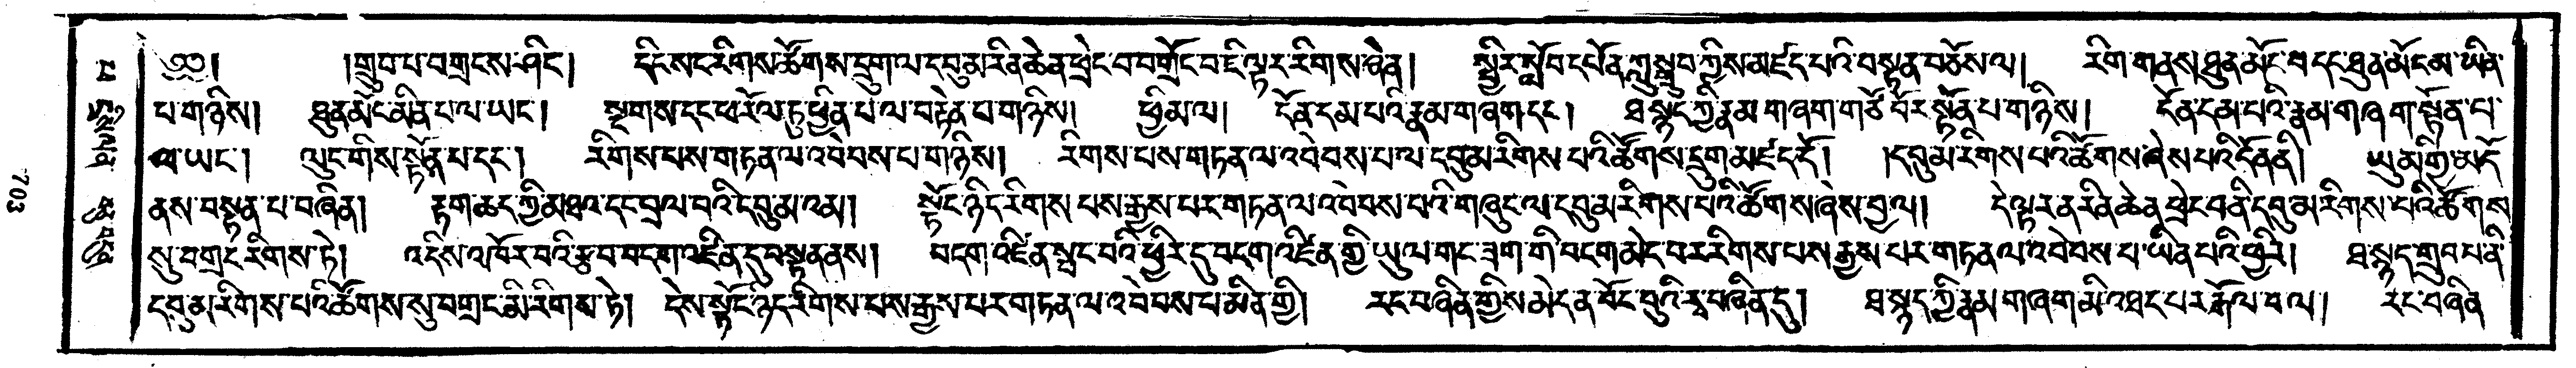༄༅། །གྲུབ་པ་བགྲངས་ཤིང་། དིང་སང་རིགས་ཚོགས་དྲུག་ལ་དབུ་མ་རིན་ཆེན་ཕྲེང་བ་བགྲོང་བ་ཇི་ལྟར་རིགས་ཞེ་ན། སྤྱིར་སློབ་དཔོན་ཀླུ་སྒྲུབ་ཀྱིས་མཛད་པའི་བསྟན་བཅོས་ལ། རིག་གནས་ཐུན་མོང་བ་དང་ཐུན་མོང་མ་ཡིན་
པ་གཉིས། ཐུན་མོང་མིན་པ་ལ་ཡང་། སྔགས་དང་ཕ་རོལ་ཏུ་ཕྱིན་པ་ལ་བརྟེན་པ་གཉིས། ཕྱི་མ་ལ། དོན་དམ་པའི་རྣམ་གཞག་དང་། ཐ་སྙད་ཀྱི་རྣམ་གཞག་གཙོ་བོར་སྟོན་པ་གཉིས། དོན་དམ་པའི་རྣམ་གཞག་སྟོན་པ་
ལ་ཡང་། ལུང་གིས་སྟོན་པ་དང་། རིགས་པས་གཏན་ལ་འབེབས་པ་གཉིས། རིགས་པས་གཏན་ལ་འབེབས་པ་ལ་དབུ་མ་རིགས་པའི་ཚོགས་དྲུག་མཛད་དོ། །དབུ་མ་རིགས་པའི་ཚོགས་ཞེས་པའི་དོན་ནི། ཡུམ་གྱི་མདོ་
ནས་བསྟན་པ་བཞིན། རྟག་ཆད་ཀྱི་མཐའ་དང་བྲལ་བའི་དབུ་མའམ། སྟོང་ཉིད་རིགས་པས་རྒྱས་པར་གཏན་ལ་འབེབས་པའི་གཞུང་ལ་དབུ་མ་རིགས་པའི་ཚོགས་ཞེས་བྱ་ལ། དེ་ལྟར་ན་རིན་ཆེན་ཕྲེང་བ་ནི་དབུ་མ་རིགས་པའི་ཚོགས་
སུ་བགྲང་རིགས་ཏེ། འདིས་འཁོར་བའི་རྩ་བ་བདག་འཛིན་དུ་བསྟན་ནས། བདག་འཛིན་སྤང་བའི་ཕྱིར་དུ་བདག་འཛིན་གྱི་ཡུལ་གང་ཟག་གི་བདག་མེད་པར་རིགས་པས་རྒྱས་པར་གཏན་ལ་འབེབས་པ་ཡིན་པའི་ཕྱིར། ཐ་སྙད་གྲུབ་པ་ནི་
དབུ་མ་རིགས་པའི་ཚོགས་སུ་བགྲང་མི་རིགས་ཏེ། དེས་སྟོང་ཉིད་རིགས་པས་རྒྱས་པར་གཏན་ལ་འབེབས་པ་མིན་གྱི། རང་བཞིན་གྱིས་མེད་ན་བོང་བུའི་རྭ་བཞིན་དུ། ཐ་སྙད་ཀྱི་རྣམ་གཞག་མི་འཐང་པར་རྒོལ་བ་ལ། རང་བཞིན་